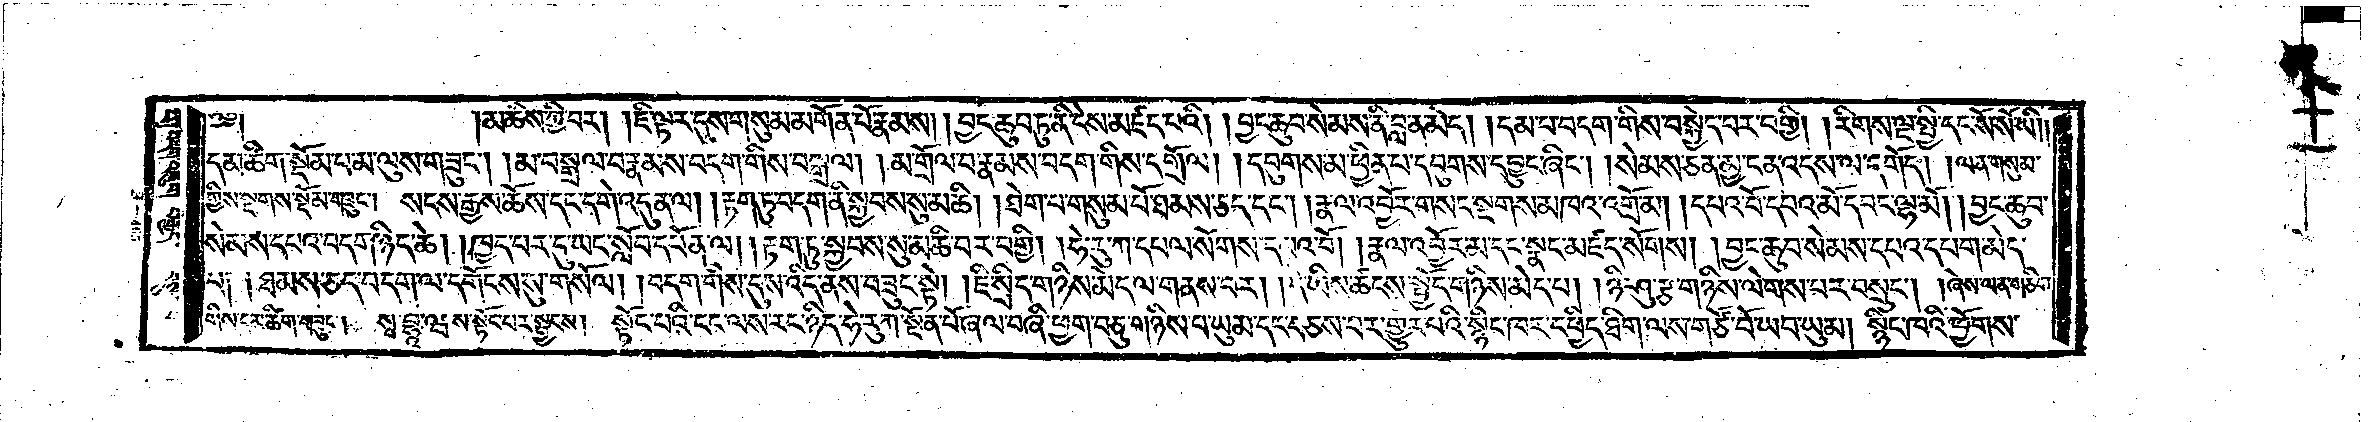༄༅། །མཆིས་ཀྱི་བར། །ཇི་ལྟར་དུས་གསུམ་མགོན་པོ་རྣམས། །བྱང་ཆུབ་ཏུ་ནི་ངེས་མཛད་པའི། །བྱང་ཆུབ་སེམས་ནི་བླ་ན་མེད། །དམ་པ་བདག་གིས་བསྐྱེད་པར་བགྱི། །རིགས་ལྔ་སྤྱི་དང་སོ་སོ་ཡི། །
དམ་ཚིག་སྡོམ་པ་མ་ལུས་གཟུང་། །མ་བསྒྲལ་བ་རྣམས་བདག་གིས་བསྒྲལ། །མ་གྲོལ་བ་རྣམས་བདག་གིས་དགྲོལ། །དབུགས་མ་ཕྱིན་པ་དབུགས་དབྱུང་ཞིང་། །སེམས་ཅན་མྱ་ངན་འདས་ལ་དགོད། །ལན་གསུམ་
གྱིས་སྔགས་སྡོམ་གཟུང་། སངས་རྒྱས་ཆོས་དང་དགེ་འདུན་ལ། །རྟག་ཏུ་བདག་ནི་སྐྱབས་སུ་མཆི། །ཐེག་པ་གསུམ་པོ་ཐམས་ཅད་དང་། །རྣལ་འབྱོར་གསང་སྔགས་མཁའ་འགྲོ་མ། །དཔའ་བོ་དཔའ་མོ་དབང་ལྷ་མོ། །བྱང་ཆུབ་
སེམས་དཔའ་བདག་ཉིད་ཆེ། །ཁྱད་བར་དུ་ཡང་སློབ་དཔོན་ལ། །རྟག་ཏུ་སྐྱབས་སུ་མཆི་བར་བགྱི། །ཧེ་རུ་ཀ་དཔལ་སོགས་དཔའ་བོ། །རྣལ་འབྱོར་མ་དང་སྣང་མཛད་སོགས། །བྱང་ཆུབ་སེམས་དཔའ་དཔག་མེད་
པ༑ ༑ཐམས་ཅད་བདག་ལ་དགོངས་སུ་གསོལ། །བདག་གིས་དུས་འདི་ནས་བཟུང་སྟེ། །ཇི་སྲིད་གཉིས་མེད་ལ་གནས་པར། །དེ་ཡིས་ཚངས་སྤྱོད་གཉིས་མེད་པ། །ཉི་ཤུ་རྩ་གཉིས་ལེགས་པར་བསྲུང་། །ཞེས་ལན་གཅིག་
གིས་དམ་ཚིག་གཟུང་། སྭ་བྷཱ་ཝས་སྟོང་པར་སྦྱངས། སྟོང་པའི་ངང་ལས་རང་ཉིད་ཧེ་རུ་ཀ་སྔོན་པོ་ཞལ་བཞི་ཕྱག་བཅུ་གཉིས་པ་ཡུམ་དང་བཅས་པར་གྱུར་པའི་སྙིང་ཁར་དཔྱིད་ཐིག་ལས་གཙོ་བོ་ཡབ་ཡུམ། སྙིང་ཁའི་ཕྱོགས་